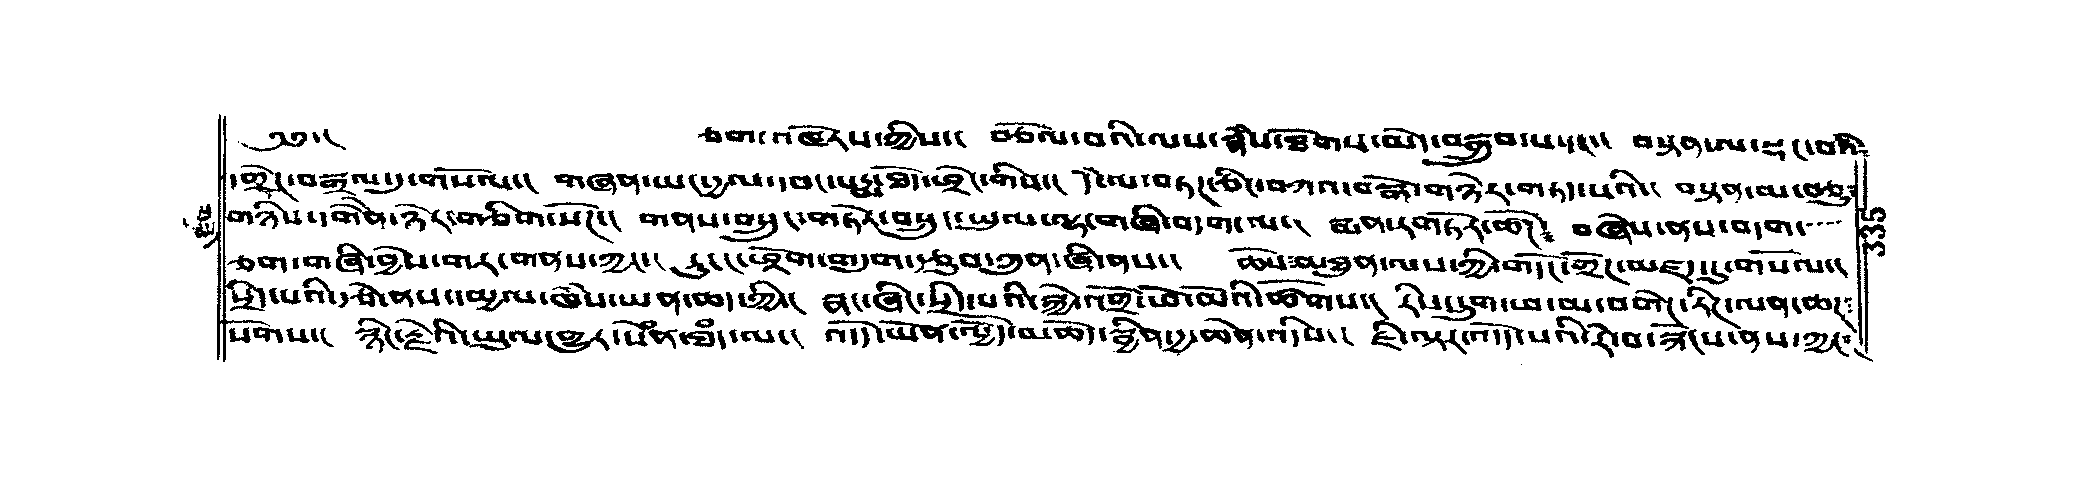ཅག་འཁོར་བཅས་ཀྱི། །བཅོལ་བའི་ལས་རྣམས་ཐོགས་མེད་བསྒྲུབ་པ་དང་། །བསྟན་ལ་སྡང་བའི་
དགྲ་བགེགས་བསྒྲལ་དུ་གསོལ། །གཞན་ཡང་རྒྱལ་བ་པདྨ་ཐོད་ཕྲེང་གིས། །དམ་ལ་བཏགས་ཤིང་བཀའ་བསྒོ་གཉེར་གཏད་པའི། །བསྟན་མ་བཅུ་
གཉིས་དགེ་བསྙེན་ཉེར་གཅིག་སོགས། །གནས་སྲུང་གཏེར་སྲུང་ཡུལ་ལྷ་གཞི་བདག་ལ། །སྨན་རག་གཏོར་ཚོགས༴ བཞེས་ནས་བདག་
ཅག་གཞི་བྱེད་གར་གནས་ཀྱང་། །རུ་ང་ཕྲག་དོག་གདུག་རྩུབ་ཀུན་ཞི་ནས། །ཆོས་མཐུན་ལས་ཀྱི་གདོང་གྲོགས་མཛད་དུ་གསོལ། །
སྲིད་པའི་རྩེ་ནས་དམྱལ་ཁམས་ཡན་ཆད་ཀྱི། །སྣང་ཞིང་སྲིད་པའི་སྐྱེ་འགྲོ་ཕོ་མོའི་ཚོགས། །རིས་དྲུག་ཕ་མ་བགེགས་རིགས་ལན་ཆགས་
སོགས། །སྙིང་རྗེའི་ཡུལ་གྱུར་སེམས་ཅན་ཐམས་ཅད་ལ། །འདོད་ཡོན་ལོངས་སྤྱོད་མཆོད་སྦྱིན་རྒྱ་ཆེན་འདིས། །ཇི་ལྟར་འདོད་པའི་རེ་བ་སྐོངས་ནས་ཀྱང་། །